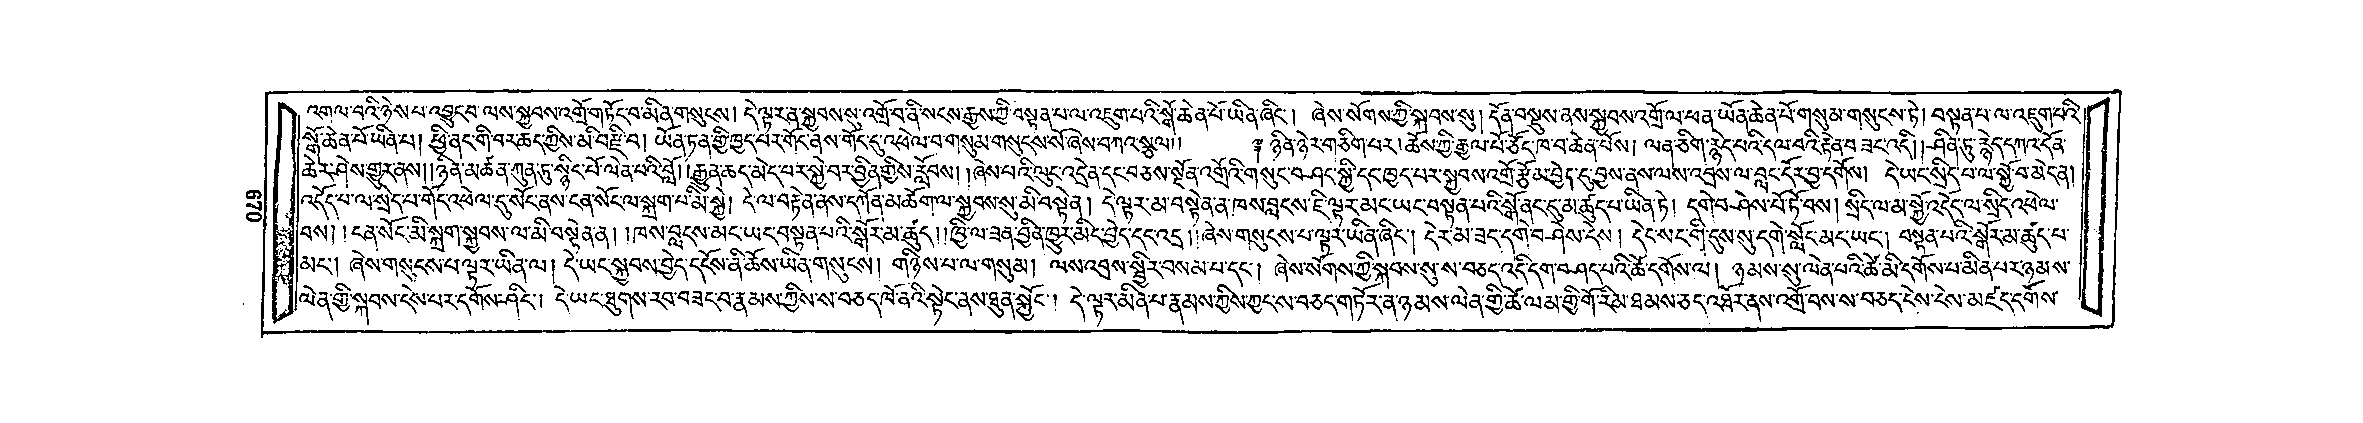འགལ་བའི་ཉེས་པ་འབྱུང་བ་ལས་སྐྱབས་འགྲོ་གཏོང་བ་མིན་གསུངས། དེ་ལྟར་ན་སྐྱབས་སུ་འགྲོ་བ་ནི་སངས་རྒྱས་ཀྱི་བསྟན་པ་ལ་འཇུག་པའི་སྒོ་ཆེན་པོ་ཡིན་ཞིང་། ཞེས་སོགས་ཀྱི་སྐབས་སུ། དོན་བསྡུས་ནས་སྐྱབས་འགྲོ་ལ་ཕན་ཡོན་ཆེན་པོ་གསུམ་གསུངས་ཏེ། བསྟན་པ་ལ་འཇུག་པའི་
སྒོ་ཆེན་པོ་ཡིན་པ། ཕྱི་ནང་གི་བར་ཆད་ཀྱིས་མི་བརྫི་བ། ཡོན་ཏན་གྱི་ཁྱད་པར་གོང་ནས་གོང་དུ་འཕེལ་བ་གསུམ་གསུངས་སོ་ཞེས་བཀའ་སྩལ།། ༈ ཉིན་ཉེར་གཅིག་པར། ཆོས་ཀྱི་རྒྱལ་པོ་ཙོང་ཁ་པ་ཆེན་པོས། ལན་ཅིག་རྙེད་པའི་དལ་བའི་རྟེན་བཟང་འདི། །ཤིན་ཏུ་རྙེད་དཀའ་དོན་
ཆེར་ཤེས་གྱུར་ནས། །ཉིན་མཚན་ཀུན་ཏུ་སྙིང་པོ་ལེན་པའི་བློ། །རྒྱུན་ཆད་མེད་པར་སྐྱེ་བར་བྱིན་གྱིས་རློབས། །ཞེས་པའི་ལུང་འདྲེན་དང་བཅས་སྔོན་འགྲོའི་གསུང་བཤད་སྐྱི་དང་ཁྱད་པར་སྐྱབས་འགྲོ་རྩོམ་བྱེད་དུ་བྱས་ནས་ལས་འབྲས་ལ་བླང་དོར་བྱ་དགོས། དེ་ཡང་སྲིད་པ་ལ་སྐྱོ་བ་མེད་ན།
འདོད་པ་ལ་སྲིད་པ་གོང་འཕེལ་དུ་སོང་ནས་ངན་སོང་ལ་སྐྲག་པ་མི་སྐྱེ། དེ་ལ་བརྟེན་ནས་དཀོན་མཆོག་ལ་སྐྱབས་སུ་མི་བསྟེན། དེ་ལྟར་མ་བསྟེན་ན་ཁས་བླངས་ཇི་ལྟར་མང་ཡང་བསྟན་པའི་སྒོ་ནང་དུ་མ་ཚུད་པ་ཡིན་ཏེ། དགེ་བཤེས་པོ་ཏོ་བས། སྲིད་ལ་མ་སྐྱོ་འདོད་ལ་སྲིད་འཕེལ་
བས། །ངན་སོང་མི་སྐྲག་སྐྱབས་ལ་མི་བསྟེན་ན། །ཁས་བླངས་མང་ཡང་བསྟན་པའི་སྒོར་མ་ཚུད། །ཁྱི་ལ་ཟན་བྱིན་ཁྱུར་མིང་བྱེད་དང་འདྲ། །ཞེས་གསུངས་པ་ལྟར་ཡིན་ཞིང་། དེར་མ་ཟད་དགེ་བཤེས་དེས། དེང་སང་གི་དུས་སུ་དགེ་སློང་མང་ཡང་། བསྟན་པའི་སྒོར་མ་ཚུད་པ་
མང་། ཞེས་གསུངས་པ་ལྟར་ཡིན་ལ། དེ་ཡང་སྐྱབས་བྱེད་དངོས་ནི་ཆོས་ཡིན་གསུངས། གཉིས་པ་ལ་གསུམ། ལས་འབྲས་སྦྱིར་བསམ་པ་དང་། ཞེས་སོགས་ཀྱི་སྐབས་སུ་ས་བཅད་འདི་དག་བཤད་པའི་ཚེ་དགོས་ལ། ཉམས་སུ་ལེན་པའི་ཚེ་མི་དགོས་པ་མིན་པར་ཉམས་
ལེན་གྱི་སྐབས་ངེས་པར་དགོས་ཤིང་། དེ་ཡང་ཐུགས་རབ་བཟང་བ་རྣམས་ཀྱིས་ས་བཅད་ཁོ་ནའི་སྟེང་ནས་ཐུན་སྐྱོང་། དེ་ལྟར་མིན་པ་རྣམས་ཀྱིས་ཀྱང་ས་བཅད་གཏོར་ན་ཉམས་ལེན་གྱི་ཚེ་ལམ་གྱི་གོ་རིམ་ཐམས་ཅད་འཐོར་ནས་འགྲོ་བས་ས་བཅད་ངེས་ངེས་མཛད་དགོས་